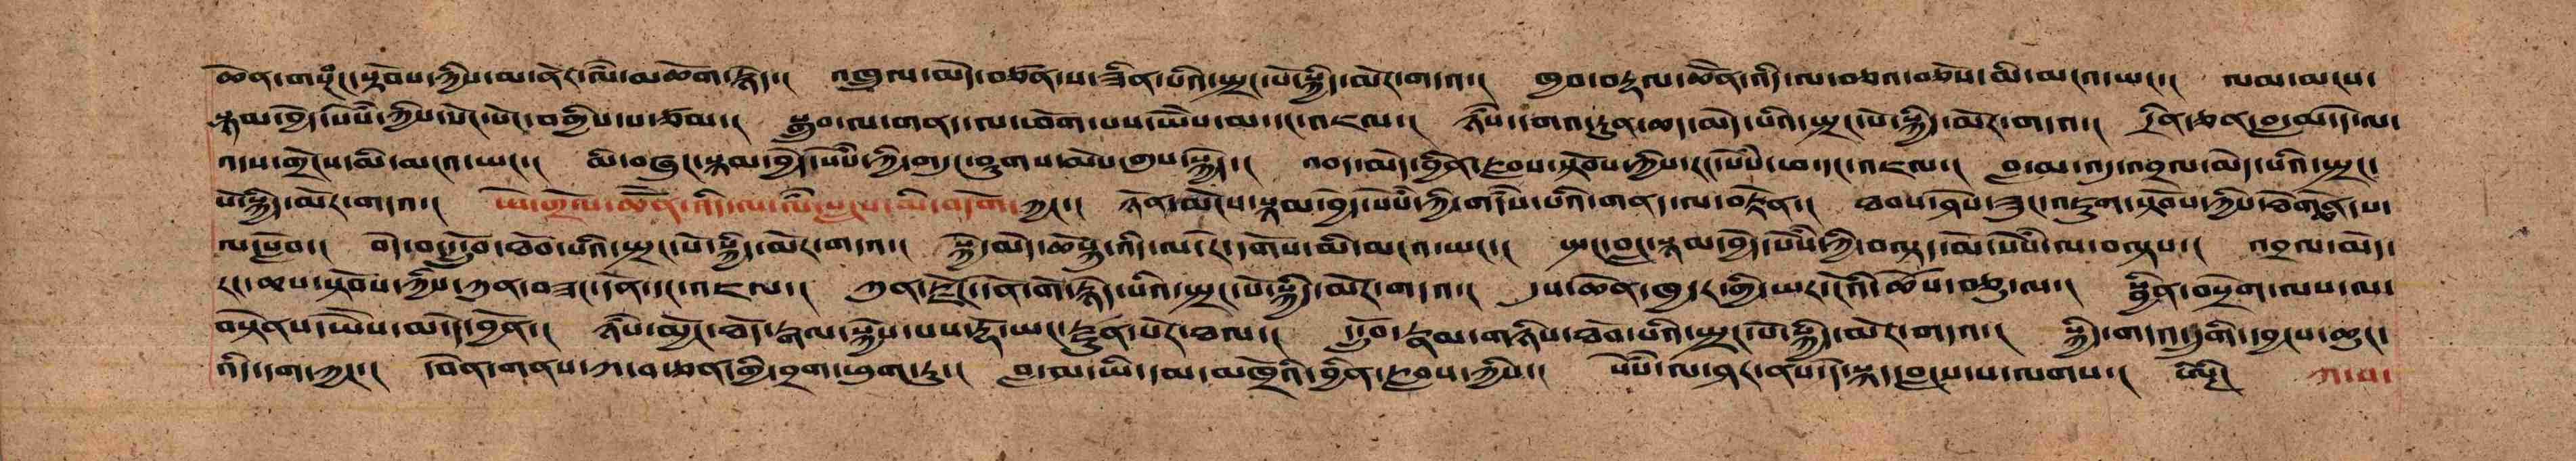ཆེན་གསང་སྔགས་སྟོབས་ཀྱིས་མ་ནོར་ལམ་མཆོག་རྙེད།། འཁྲུལ་མེད་བཙན་ས་ཟིན་པའི་སྤྲང་པོ་སྐྱིད་མོར་གདའ།། ཁྱབ་བརྡལ་ཆེན་པོ་འདི་ལ་བཅའ་བཅོས་མི་མངའ་ཡང་།། ལམ་མངས་
སྙམ་བྱེད་སེམས་ཀྱིས་སོང་སོང་བགྱིས་པ་ཙམ།། སྒྲུབ་ལ་གནད་ལ་ཕོག་པས་ཡེ་ཤེས་མ་དང་མཇལ།། ཉམས་དགའ་རྒྱུན་ཆད་མེད་པའི་སྤྲང་པོ་སྐྱིད་མོར་གདའ།། དྲིན་ཅན་བླ་མ་དེ་ལ་
འདས་གྲོངས་མི་མངའ་ཡང་།། མི་བཞུགས་སྙམ་བྱེད་སེམས་ཀྱི་གདུང་ཤུགས་མོས་གུས་བསྐྱེད།། འབད་མེད་བྱིན་རླབས་སྟོབས་ཀྱིས་རང་སེམས་ཕ་དང་འཇལ།། བླ་མ་འདུ་འབྲལ་མེད་པའི་སྤྲང་
པོ་སྐྱིད་མོར་གདའ།། ཡེ་གྲོལ་ཆེན་པོ་འདི་ལ་ལམ་སླངས་མི་བདོག་ཀྱང་།། ཉོན་མོངས་སྙམ་བྱེད་སེམས་ཀྱི་གདམས་པའི་གནད་ལ་བརྟེན།། ཐབས་ཤེས་ཟུང་འཇུག་སྟོབས་ཀྱིས་ཐེག་ཆེན་པ་
ལ་སློབ།། བདེ་བ་དངོས་གྲུབ་ཐོབ་པའི་སྤྲང་པོ་སྐྱིད་མོར་གདའ།། སྐྱེ་མེད་ཆོས་སྐུ་འདི་ལ་རེ་དོགས་མི་མངའ་ཡང་།། སྤང་བླངས་སྙམ་བྱེད་སེམས་ཀྱི་ལྟད་མོ་སེམས་ལ་བལྟས།། འབྲལ་མེད་
རང་ཆས་སྟོབས་ཀྱིས་ཀུན་བཟང་དོན་དང་མཇལ།། ཀུན་རྫོགས་དོན་གོ་རྙེད་པའི་སྤྲང་པོ་སྐྱིད་མོར་གདའ།། དུས་ཆེན་ཁྱད་པར་གྱི་ཡར་ངོའི་ཚེས་བཅུ་ལ།། སྦྱིན་སྲེག་ལས་ལ་
བསྟེན་ནས་ཡེ་ཤེས་མ་དེ་བྱོན།། ཉམས་མྱོང་ཐོད་རྒལ་སྐྱེས་པས་རྡོ་ཡང་རྫུན་པོར་ཐལ།། དངོས་གྲུབ་རྣམ་གཉིས་ཐོབ་པའི་སྤྲང་པོ་སྐྱིད་མོར་གདའ།། སྐྱིད་གདའ་དྲུག་གི་དབྱངས་ཆུང་
འདི་དག་ཀྱང་།། དབེན་གནས་ཀ་བ་ཅན་གྱི་བྲག་ཕུག་ཏུ།། བླ་མ་ཡི་དམ་མཁའ་འགྲོའི་བྱིན་རླབས་ཀྱིས།། སེམས་ལ་ཤར་ནས་དེ་སྐད་བླངས་པ་ལགས།། ཨིཊི།། ཀ་བ་